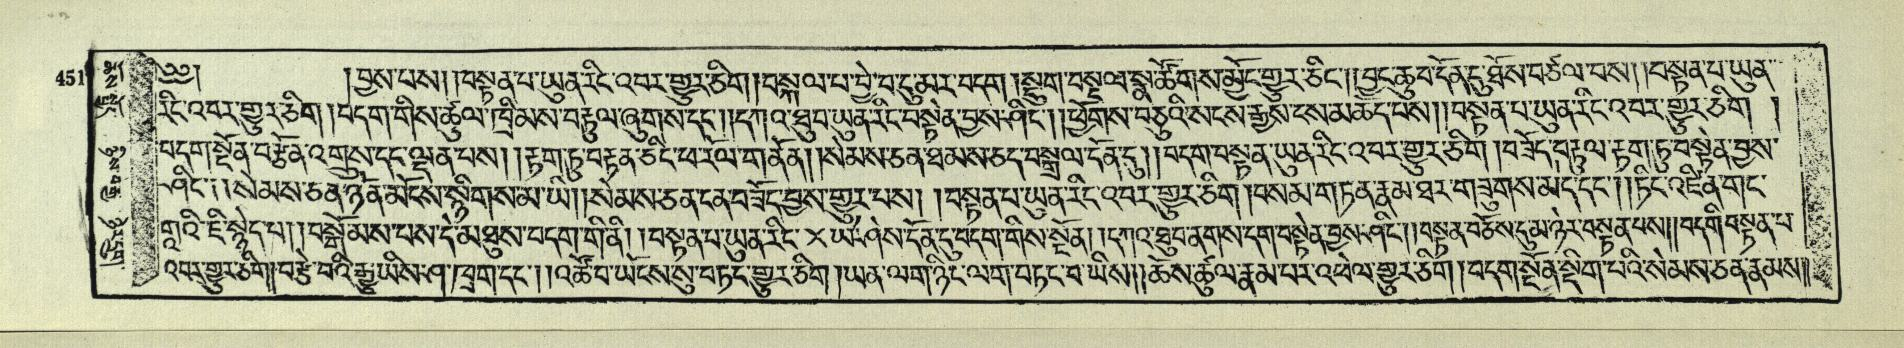༄༅། །བྱས་པས། །བསྟན་པ་ཡུན་རིང་འབར་གྱུར་ཅིག །བསྐལ་པ་བྱེ་བ་དུ་མར་བདག །སྡུག་བསྔལ་སྣ་ཚོགས་མྱོང་གྱུར་ཅིང་། །བྱང་ཆུབ་དོན་དུ་ཐོས་བཙལ་བས། །བསྟན་པ་ཡུན་
རིང་འབར་གྱུར་ཅིག །བདག་གིས་ཚུལ་ཁྲིམས་བརྟུལ་ཞུགས་དང་། །དཀའ་ཐུབ་ཡུན་རིང་བསྟེན་བྱས་ཤིང་། །ཕྱོགས་བཅུའི་སངས་རྒྱས་ངས་མཆོད་པས། །བསྟན་པ་ཡུན་རིང་འབར་གྱུར་ཅིག །
བདག་སྔོན་བརྩོན་འགྲུས་དང་ལྡན་པས། །རྟག་ཏུ་བརྟན་ཅིང་ཕ་རོལ་གནོན། །སེམས་ཅན་ཐམས་ཅད་བསྒྲལ་དོན་དུ། །བདག་བསྟན་ཡུན་རིང་འབར་གྱུར་ཅིག །བཟོད་བརྟུལ་རྟག་ཏུ་བསྟེན་བྱས་
ཤིང་། །སེམས་ཅན་ཉོན་མོངས་སྙིགས་མ་ཡི། །སེམས་ཅན་ངན་བཟོད་བྱས་གྱུར་པས། །བསྟན་པ་ཡུན་རིང་འབར་གྱུར་ཅིག །བསམ་གཏན་རྣམ་ཐར་གཟུགས་མེད་དང་། །ཏིང་འཛིན་གང་
གླའི་ཇི་སྙེད་པ། །བསྒོམས་པས་དེ་མཐུས་བདག་གི་ནི། །བསྟན་པ་ཡུན་རིང་྾་ཡེ་ཤེས་དོན་དུ་བདག་གིས་སྔོན། །བཀའ་ཐུབ་ནགས་དག་བསྟེན་བྱས་ཤིང་། །བསྟན་བཅོས་དུ་མ་ཉེར་བསྟན་པས། །བདག་གི་བསྟན་པ་
འབར་གྱུར་ཅིག །བརྩེ་བའི་རྒྱུ་ཡིས་ཤ་ཁྲག་དང་། །འཚོ་བ་ཡོངས་སུ་བཏང་གྱུར་ཅིག །ཡན་ལག་ཉིང་ལག་བཏང་བ་ཡིས། །ཆོས་ཚུལ་རྣམ་པར་འཕེལ་གྱུར་ཅིག །བདག་སྔོན་སྡིག་པའི་སེམས་ཅན་རྣམས།།